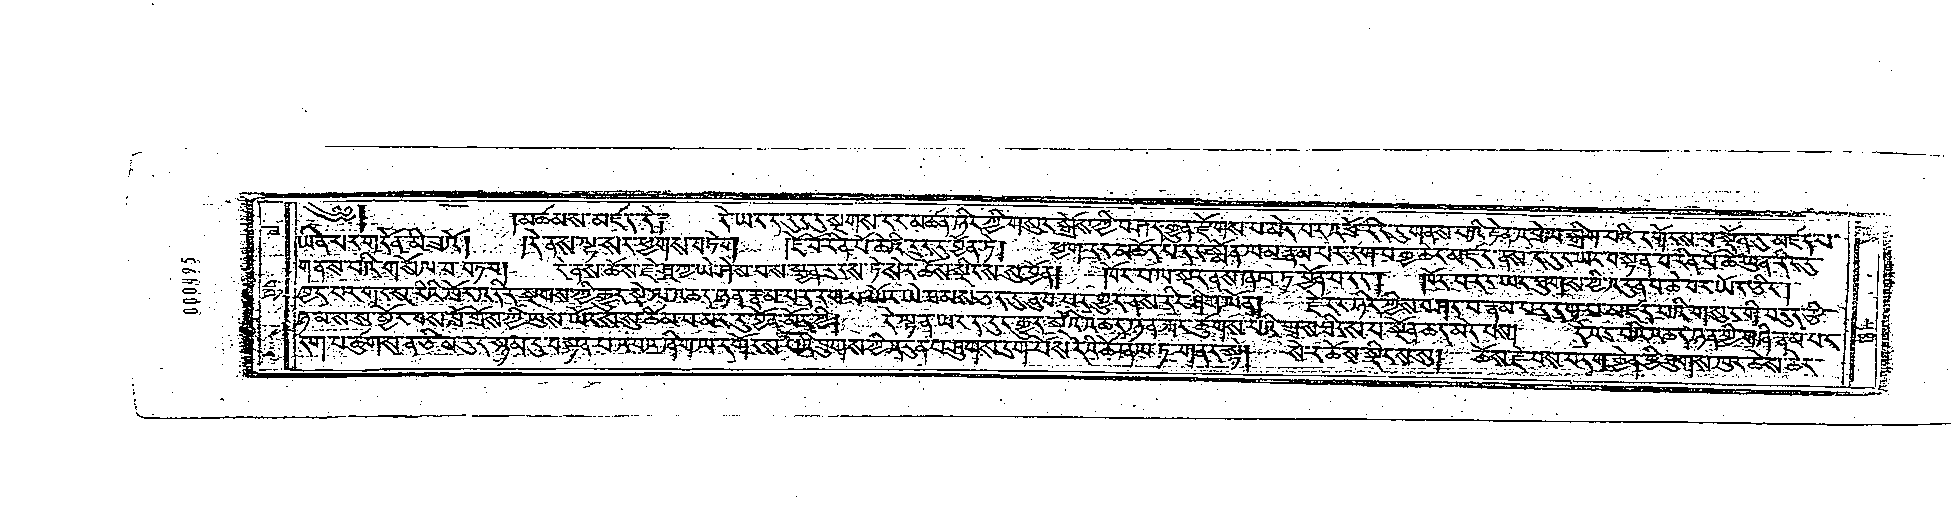༄༅། །མཚམས་མཛད་དེ༑ དེ་ཡང་ད་དུང་དུ་སྔགས་དང་མཚན་ཉིད་ཀྱི་གསུང་སྒྲོས་ཀྱི་བཤད་རྒྱུན་རྫོགས་པ་མེད་པར་འཕྲོ་རིང་དུ་གནས་པའི་རྟེན་འབྲེལ་སྒྲིག་པའི་དགོངས་པ་སྡོན་དུ་མཛད་པ་
ཡིན་པར་གདོན་མི་ཟའོ། །དེ་ནས་ལྷ་སར་ཕྱགས་བཏེག །ཇོ་བོ་རིན་པོ་ཆེའི་དྲུང་དུ་བྱོན་ཏེ། ཕྱག་དང་མཆོད་པ་དང་སྨོན་ལམ་རྣམ་པར་དག་པ་རྒྱ་ཆེར་མཛད་ནས་ད་དུང་ཡང་བསྟན་པ་རིན་པོ་ཆེ་ཡུན་རིང་དུ་
གནས་པའི་གསོལ་བ་བཏབ། དེ་ནས་ཆོས་རྗེ་ཤཱཀྱ་ཡེ་ཤེས་བས་སྤྱན་དྲངས་ཏེ་སེར་ཆོས་སྡིངས་སུ་བྱོན། ཁོང་པ་ལ་སྔར་ནས་ཞལ་ཏ་བྱོན་པ་དང་། ཁོང་པ་རང་ཡང་ཐུགས་ཀྱི་འདུན་པ་ཆེ་བར་ཡོད་ཅིང་།
ཁྱད་པར་གངས་རིའི་ཁྲོད་འདིར་སྔགས་ཀྱི་རྒྱུད་སྡེ་ལ་འཆད་ཉན་རྣམ་པར་དག་པ་ཡོང་ཡེ་ཐམས་ཅད་དུ་ནུབ་པར་གྱུར་ནས་རིང་ཤིག་ལོན། རྗེ་རང་ཉིད་ཀྱིས་བཤད་པ་རྣམ་པར་དག་པ་མཛད་པའི་གསུང་གི་བདུད་རྩི་
ཉམས་སུ་མྱོང་བས་བློ་གྲོས་ཀྱི་ལུས་ཡོངས་སུ་ཚིམ་པ་མང་དུ་བྱོན་མོད་ཀྱི། དེ་ལྟ་ན་ཡང་ད་དུང་རྒྱུད་སྡེའི་འཆད་ཉན་རྐང་ཚུགས་པའི་གྲྭ་ས་ཐིངས་པ་སྔོན་ཆད་མེད་པས། དེ་འདྲ་བའི་འཆད་ཉན་གྱི་གཞི་རྣམ་པར་
དག་པ་ཚུགས་ན་ཅི་མ་རུང་སྙམ་དུ་བསྟན་པ་འབའ་ཞིག་ལ་དགོངས་པའི་ཐུགས་ཀྱི་འདུན་པ་ཤུགས་དྲག་པོས་དེའི་ཚེ་ཞལ་ཏ་གནང་སྟེ། སེ་ར་ཆོས་སྡིངས་སུ། ཆོས་རྗེ་པས་བདག་རྐྱེན་གྱི་ཐུགས་ཁུང་ཆེས་ཆེར་